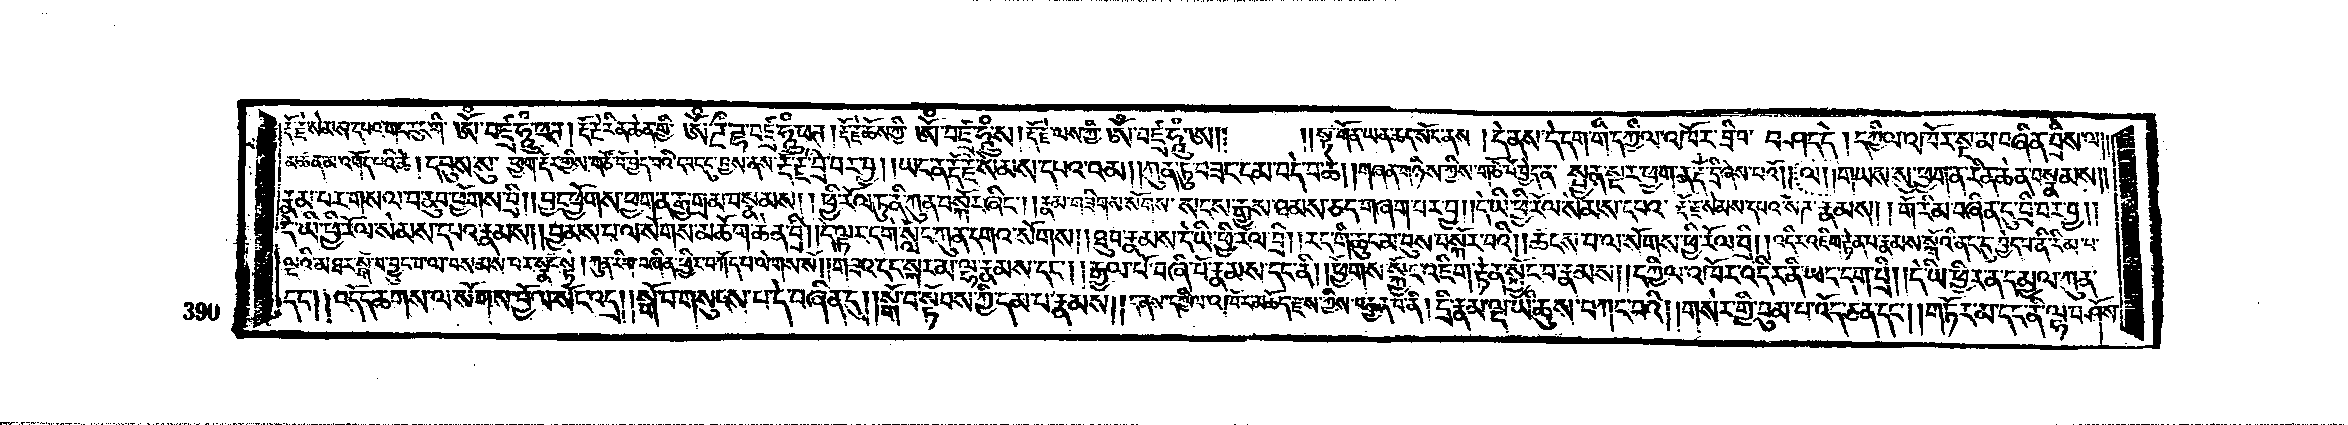རྡོ་རྗེ་སེམས་དཔའ་གང་རུང་གི་ཨོཾ་བཛྲ་ཧཱུཾ་ཕཊ། རྡོ་རྗེ་རིན་ཆེན་གྱི་ཨོཾ་ཌྲྀ་ཌྷ་བཛྲ་ཧཱུཾ་ཕཊ། རྡོ་རྗེ་ཆོས་ཀྱི་ཨོཾ་བཛྲ་ཧཱུཾ་ས། ། རྡོ་རྗེ་ལས་ཀྱི་ཨོཾ་བཛྲ་ཧཱུཾ་ཨ།། །། སྟ་གོན་ཡན་ཆད་སོང་ནས།  དེ་ནས་དེ་དག་གི་དཀྱིལ་འཁོར་བྲི་བ་བཤད་དེ། དཀྱིལ་འཁོར་སྔ་མ་བཞིན་བྲིས་ལ། །
མཚན་མ་འགོད་པའི་ཚེ།  དབུས་སུ་ཕྱག་རྡོར་གྱིས་གཙོ་བོ་བྱེད་པའི་དབང་དུ་བྱས་ནས་རྡོ་རྗེ་བྲི་བར་བྱ། །ཡང་ན་རྡོ་རྗེ་སེམས་དཔའ་འམ། །ཀུན་ཏུ་བཟང་ངམ་བདེ་བ་ཆེ། ། གཞན་གཉིས་ཀྱིས་གཙོ་བོ་བྱེད་ན་སྤྱན་སྔར་ཕྱག་ན་རྡོ་དྲི་ཞེས་པའོ།  ལ། །གཡས་སུ་ཕྱག་ན་རིན་ཆེན་བསྣམས། །
རྣམ་པར་གསལ་བ་ནུབ་ཕྱོགས་བྲི། །བྱང་ཕྱོགས་ཕྱག་ན་རྒྱ་གྲམ་བསྣམས། །ཕྱི་རོལ་ཏུ་ནི་ཀུན་བསྐོར་ཞིང་། ། རྣམ་གཟིགས་སོགས་སངས་རྒྱས་ཐམས་ཅད་གཞག་པར་བྱ། །དེ་ཡི་ཕྱི་རོལ་སེམས་དཔའ་རྡོ་རྗེ་སེམས་དཔའ་སོགས་རྣམས། །གོ་རིམ་བཞིན་དུ་བྲི་བར་བྱ། །
དེ་ཡི་ཕྱི་རོལ་སེམས་དཔའ་རྣམས། །བྱམས་པ་ལ་སོགས་མཆོག་ཆེན་བྲི། །དེ་ལྟར་དགེ་སློང་ཀུན་དགའ་སོགས། །ཐུབ་རྣམས་དེ་ཡི་ཕྱི་རོལ་བྲི། །རང་གི་ཆུང་མ་བུས་བསྐོར་བའི། །ཚངས་པ་ལ་སོགས་ཕྱི་རོལ་བྲི། །འདིར་འཇིག་རྟེན་པ་རྣམས་སྒོའི་ནང་དུ་བྱེད་པ་ནི་རིམ་པ་
ལྔའི་མཐར་སྒོ་བ་བྱུང་བ་ལ་བསམས་པར་སྣང་སྟེ། ཀུན་རིག་བཞིན་ཕྱིར་བཀོད་པ་ལེགས་སོ། །གཟའ་དང་སྐར་མ་ལྷ་རྣམས་དང་། །རྒྱལ་པོ་བཞི་པོ་རྣམས་དང་ནི། །ཕྱོགས་སྐྱོང་འཇིག་རྟེན་སྐྱོང་བ་རྣམས། །དཀྱིལ་འཁོར་འདིར་ནི་ཡང་དག་བྲི། །དེ་ཡི་ཕྱིར་ན་དམྱལ་ཀུན་
དང་། །འདོད་ཆགས་ལ་སོགས་བྱོལ་སོང་འདྲ། །སྒོ་བ་གསུངས་པ་དེ་བཞིན་དུ། །སྒོ་བ་སྟོབས་ཀྱི་དམ་པ་རྣམས། ། ད་ནས་དཀྱིལ་འཁོར་མཆོད་རྫས་ཀྱིས་བརྒྱན་པ་ནི།  །དྲི་རྣམ་ལྔ་ཡི་ཆུས་བཀང་བའི། །གསེར་གྱི་བུམ་པ་འོད་ཅན་དང་། །གཏོར་མ་དང་ནི་ལྷ་བཤོས་